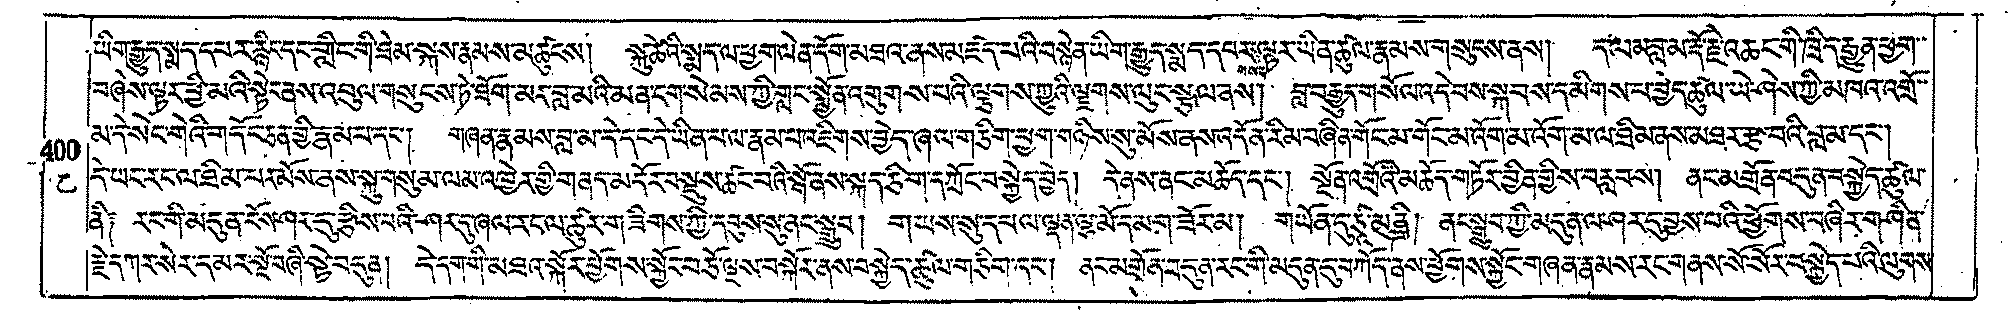ཡིག་རྒྱུད་སྨད་དཔར་རྙིང་དང་གླིང་གི་ཐེམ་སྐས་རྣམས་མཚུངས། སྐུ་ཚེའི་སྨད་ལ་ཕྱག་ལེན་དོག་མཐའ་ནས་མཛད་པའི་བསྙེན་ཡིག་རྒྱུད་སྨད་དཔར་གསར་ལྟར་ཡིན་ཚུལ་རྣམས་གསུངས་ནས། ད་ལམ་བླ་མ་རྡོ་རྗེ་འཆང་གི་ཁྲིད་རྒྱུན་ཕྱག་་་
བཞེས་ལྟར་ཕྱི་མའི་སྟེང་ནས་འབུལ་གསུངས་ཏེ་ཐོག་མར་བླ་མའི་མན་ངག་སེམས་ཀྱི་གླང་སྨྱོན་འགུགས་པའི་ལྕགས་ཀྱུའི་ལྗགས་ལུང་སྩལ་ནས། བླ་བརྒྱུད་གསོལ་འདེབས་སྐབས་དམིགས་པ་བྱེད་ཚུལ་ཡེ་ཤེས་ཀྱི་མཁའ་འགྲོ་་་
མ་དེ་སེང་གེའི་གདོང་ཅན་གྱི་རྣམ་པ་དང་། གཞན་རྣམས་བླ་མ་དེ་དང་དེ་ཡིན་པ་ལ་རྣམ་པ་འཇིགས་བྱེད་ཞལ་གཅིག་ཕྱག་གཉིས་སུ་མོས་ནས་འདོན་རིམ་བཞིན་གོང་མ་གོང་མ་འོག་མ་འོག་མ་ལ་ཐིམ་ནས་མཐར་རྩ་བའི་བླ་མ་དང་།
དེ་ཡང་རང་ལ་ཐིམ་པར་མོས་ནས་སྐུ་གསུམ་ལམ་འཁྱེར་གྱི་གནད་མདོར་བསྡུས་ཚང་བའི་སྒོ་ནས་སྐད་ཅིག་དཀྲོང་བསྐྱེད་བྱེད། དེ་ནས་ནང་མཆོད་དང་། སྔོན་འགྲོའི་མཆོད་གཏོར་བྱིན་གྱིས་བརླབས། ནང་མགྲོན་བདུན་བསྐྱེད་ཚུལ་
ནི༑ རང་གི་མདུན་ངོས་ཤར་དུ་རྩིས་པའི་ཤར་དུ་ཞལ་རང་ལ་ཚུར་གཟིགས་ཀྱི་དབུས་སུ་ནང་སྒྲུབ། གཡས་སུ་དཔལ་ལྡན་ལྷ་མོ་དམག་ཟོར་མ། གཡོན་དུ་ཙཱ་མུནྜི། ནང་སྒྲུབ་ཀྱི་མདུན་ལ་ཤར་དུ་བྱས་པའི་ཕྱོགས་བཞིར་གཤིན་
རྗེ་དཀར་སེར་དམར་སྔོ་བཞི་སྟེ་བདུན། དེ་དག་གི་མཐའ་སྐོར་ཕྱོགས་སྐྱོང་བཅོ་ལྔས་བསྐོར་ནས་བསྐྱེད་ཚུལ་གཅིག་དང་། ནང་མགྲོན་བདུན་རང་གི་མདུན་དུ་བཀོད་ནས་ཕྱོགས་སྐྱོང་གཞན་རྣམས་རང་གནས་སོ་སོར་བསྐྱེད་པའི་ལུགས་